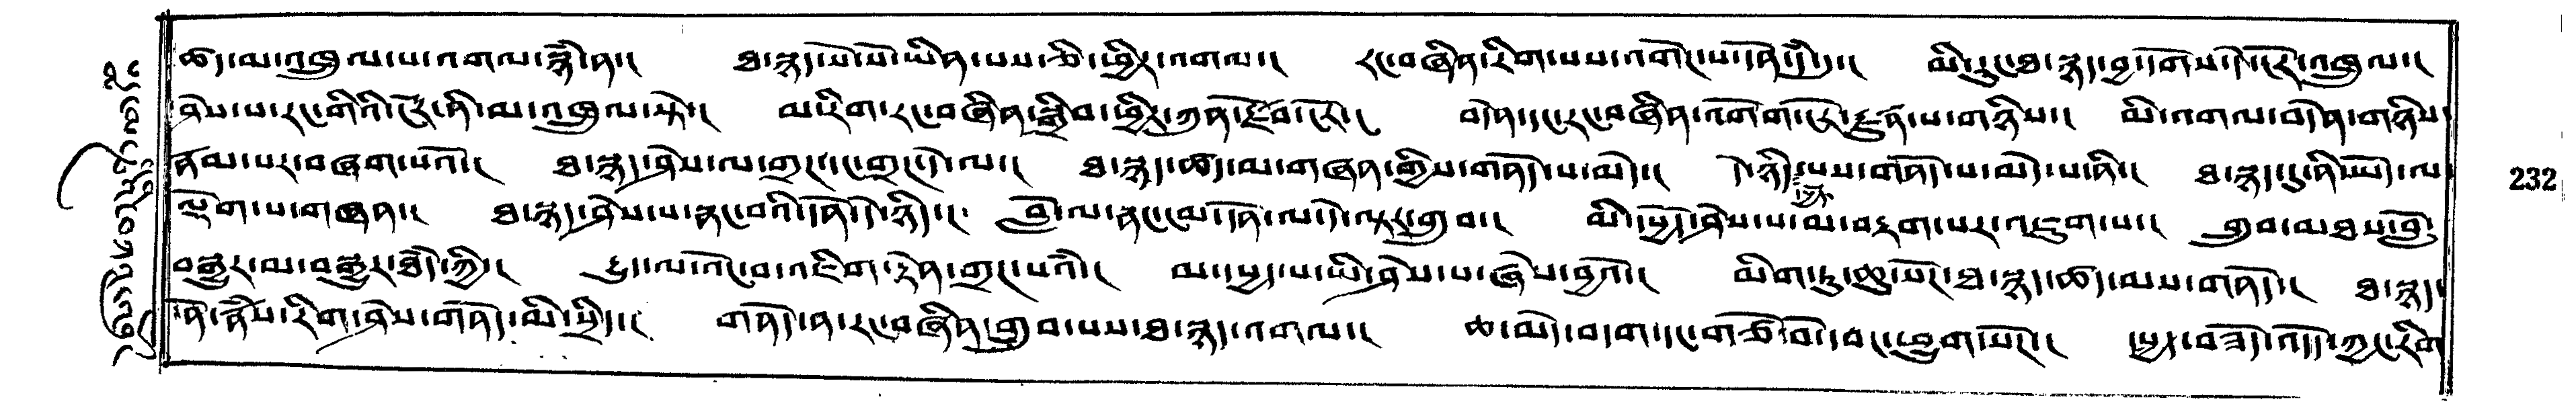ཚད་མ་འཁྲུལ་པ་འགལ་སྙམ་ན། །ཐ་སྙད་སོ་སོ་ཡིན་པས་ཅི་ཕྱིར་འགལ། །རང་བཞིན་རིག་པས་འགོག་པ་དོན་དམ་དུ། །མི་རུང་ཐ་སྙད་བྱ་དགོས་དེ་ངོར་འཁྲུལ། །
ཤེས་པ་རང་གི་ངོར་ནི་མ་འཁྲུལ་སྟེ། །མ་རིག་རང་བཞིན་སྒྲིབ་ཕྱིར་ཀུན་རྫོབ་ངོར། །བདེན་དང་རང་བཞིན་འགོག་ངོར་རྫུན་པ་གཉིས། །མི་འགལ་བདེན་གཉིས་
རྣམ་པར་བཞག་པའོ། །ཐ་སྙད་ཤེས་ལ་གྲགས་དང་གྲགས་དེ་ལ། །ཐ་སྙད་ཚད་མ་གཞན་གྱིས་གནོད་པ་མེད། །དེ་ཉིད་དཔྱོད་པས་གནོད་པ་མེད་པ་ནི། །ཐ་སྙད་དུ་ནི་ཡོད་ལ་
ལྡོག་པ་གཞན། །ཐ་སྙད་ཤེས་པར་སྣང་བའི་དོན་དེ་ཉིད། །བློ་ལ་སྣང་ངམ་དོན་ལ་དེ་ལྟར་གྲུབ། །མི་དཔྱོད་ཤེས་པས་མ་བརྟགས་པར་འཇུག་པ། །གྲུབ་མཐས་བློ་
བསྒྱུར་མ་བསྒྱུར་ཐམས་ཅད་ཀྱི། །རྒྱུད་ལ་འོང་བ་འཇིག་རྟེན་གྲགས་པའམ། །མ་དཔྱད་པ་ཡི་ཤེས་པ་ཞེས་བྱའོ། །མིག་ཏུ་ཆུ་སོགས་ཐ་སྙད་ཚད་མས་གནོད། །ཐ་སྙད་
དོན་རྣམས་རིགས་ཤེས་གནོད་མི་སྲིད། །གནོད་ན་རང་བཞིན་གྲུབ་པས་ཐ་སྙད་འགལ། །ཆ་མེད་བདག་དང་གཙོ་བོ་དབང་ཕྱུག་སོགས། །དཔྱད་བཟོད་འདོད་ཀྱང་རིགས་